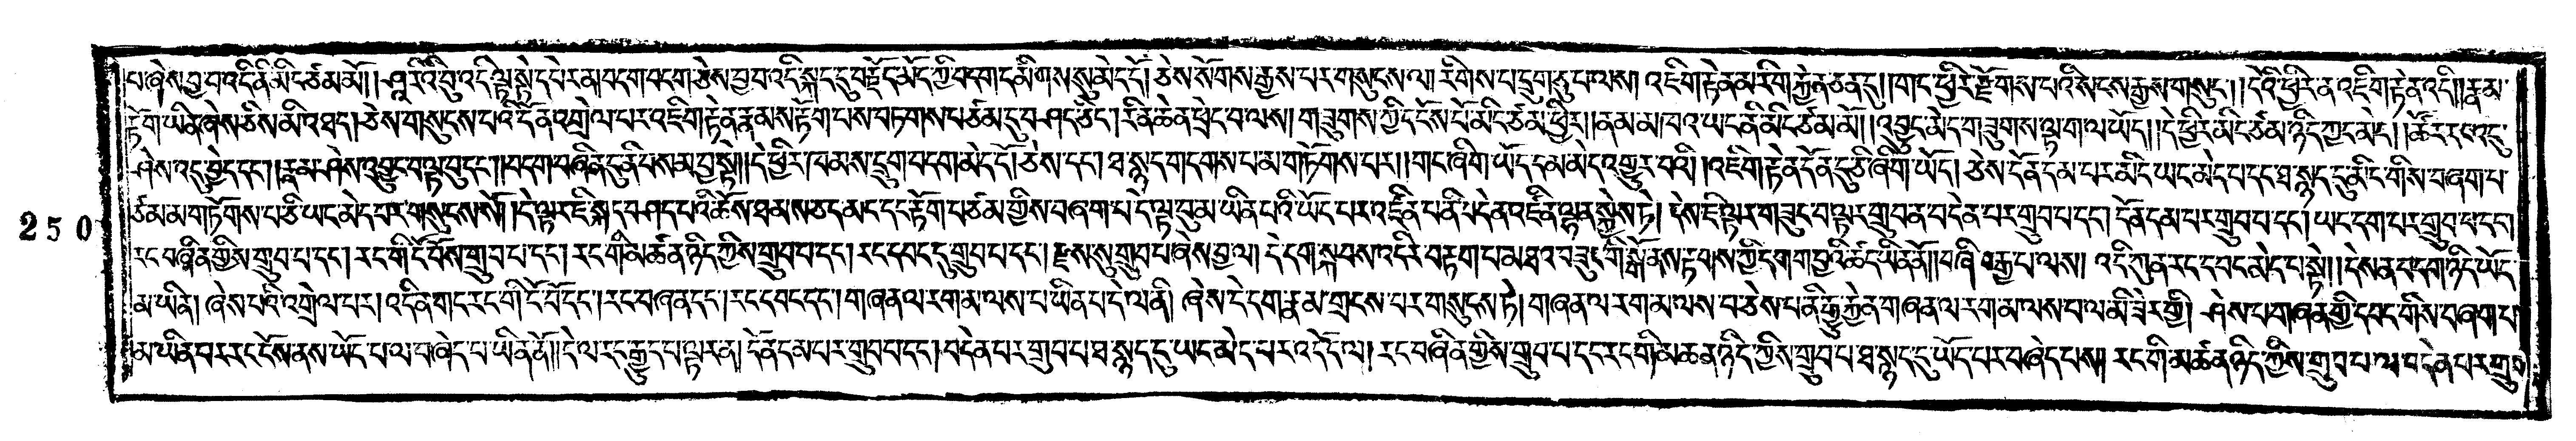པ་ཞེས་བྱ་བ་འདི་ནི་མིང་ཙམ་མོ། །ཤཱ་རིའི་བུ་འདི་ལྟ་སྟེ་དཔེར་ན། བདག་བདག་ཅེས་བྱ་བ་འདི་སྐད་དུ་བརྗོད་མོད་ཀྱི་བདག་དམིགས་སུ་མེད་དོ། ཅེས་སོགས་རྒྱས་པར་གསུངས་ལ། རིགས་པ་དྲུག་ཅུ་པ་ལས། འཇིག་རྟེན་མ་རིག་རྐྱེན་ཅན་དུ། །གང་ཕྱིར་རྫོགས་པའི་སངས་རྒྱས་གསུང་། །དེའི་ཕྱིར་ན་འཇིག་རྟེན་འདི། །རྣམ་
རྟོག་ཡིན་ཞེས་ཅིས་མི་འཐད། ཅེས་གསུངས་པའི་དོན་འགྲེལ་པར་འཇིག་རྟེན་རྣམས་རྟོག་པས་བཏགས་པ་ཙམ་དུ་བཤད་ཅིང་། རིན་ཆེན་ཕྲེང་བ་ལས། གཟུགས་ཀྱི་དངོས་པོ་མིང་ཙམ་ཕྱིར། །ནམ་མཁའ་ཡང་ནི་མིང་ཙམ་མོ། །འབྱུང་མེད་གཟུགས་ལྟ་ག་ལ་ཡོད། །དེ་ཕྱིར་མིང་ཙམ་ཉིད་ཀྱང་མེད། །ཚོར་དཔའ་དུ་
ཤེས་འདུ་བྱེད་དང་། །རྣམ་ཤེས་འབྱུང་བ་ལྟ་བུ་དང་། །བདག་བཞིན་དུ་ནི་བསམ་བྱ་སྟེ། །དེ་ཕྱིར་ཁམས་དྲུག་བདག་མེད་དོ། ཅེས་དང་། ཐ་སྙད་གདགས་པ་མ་གཏོགས་པར། །གང་ཞིག་ཡོད་དམ་མེད་འགྱུར་བའི། །འཇིག་རྟེན་དོན་དུ་ཅི་ཞིག་ཡོད། ཅེས་དོན་དམ་པར་མིང་ཡང་མེད་པ་དང་ཐ་སྙད་དུ་མིང་གིས་བཞག་པ་
ཙམ་མ་གཏོགས་པ་ཅི་ཡང་མེད་པ་གསུངས་སོ། །དེ་ལྟར་ཇི་སྐད་བཤད་པའི་ཆོས་ཐམས་ཅད་མང་དང་རྟོག་བཙམ་གྱིས་བཞག་པ་དེ་ལྟ་བུ་མ་ཡིན་པའི་ཡོད་པར་འཛིན་པ་ནི་བདེན་འཛིན་ལྷན་སྐྱེས་ཏེ། དེས་ཇི་ལྟར་གཟུང་བ་ལྟར་གྲུབ་ན་བདེན་པར་གྲུབ་པ་དང་། དོན་དམ་པར་སྒྲུབ་པ་དང་། ཡང་དག་པར་གྲུབ་པ་དང་།
རང་བཞིན་གྱིས་གྲུབ་པ་དང་། རང་གི་ངོ་བོས་གྲུབ་པ་དང་། རང་གི་མཚན་ཉིད་ཀྱིས་གྲུབ་པ་དང་། རང་དབང་དུ་གྲུབ་པ་དང་། རྫས་སུ་གྲུབ་པ་ཞེས་བྱ་ལ། དེ་དག་སྐབས་འདིར་བརྟག་པ་མཐའ་བཟུང་གི་སྒོ་ནས་རྟགས་ཀྱི་དགག་བྱའི་ཚད་ཡིན་ནོ། །བཞི་བརྒྱ་པ་ལས། འདི་ཀུན་རང་དབང་མེད་པ་སྟེ། །དེས་ན་བདག་ཉིད་ཡོད་
མ་ཡིན། ཞེས་པའི་འགྲེལ་པར། འདི་ན་གང་རང་གི་ངོ་བོ་དང་། རང་བཞན་དང་། རང་དབང་དང་། གཞན་ལ་རག་མ་ལས་པ་ཡིན་པ་དེ་ལ་ནི། ཞེས་དེ་དག་རྣམ་གྲངས་པར་གསུངས་ཏེ། གཞན་ལ་རག་མ་ལས་པ་ཅེས་པ་ནི་རྒྱུ་རྐྱེན་གཞན་ལ་རག་མ་ལས་པ་ལ་མི་ཟེར་གྱི། ཤེས་པ་གཞན་གྱི་དབང་གིས་བཞག་པ་
མ་ཡིན་པར་རང་ངོས་ནས་ཡོད་པ་ལ་བཞེད་པ་ཡིན་ནོ། །དེ་ལ་རང་རྒྱུད་པ་ལྟར་ན། དོན་དམ་པར་གྲུབ་པ་དང་། བདེན་པར་གྲུབ་པ་ཐ་སྙད་དུ་ཡང་མེད་པར་འདོད་ལ། རང་བཞིན་གྱིས་གྲུབ་པ་དང་རང་གི་མཆན་ཉིད་ཀྱིས་གྲུབ་པ་ཐ་སྙད་དུ་ཡོད་པར་བཞེད་པས། རང་གི་མཚན་ཉིད་ཀྱིས་གྲུབ་པ་ལ་བདེན་པར་གྲུབ་